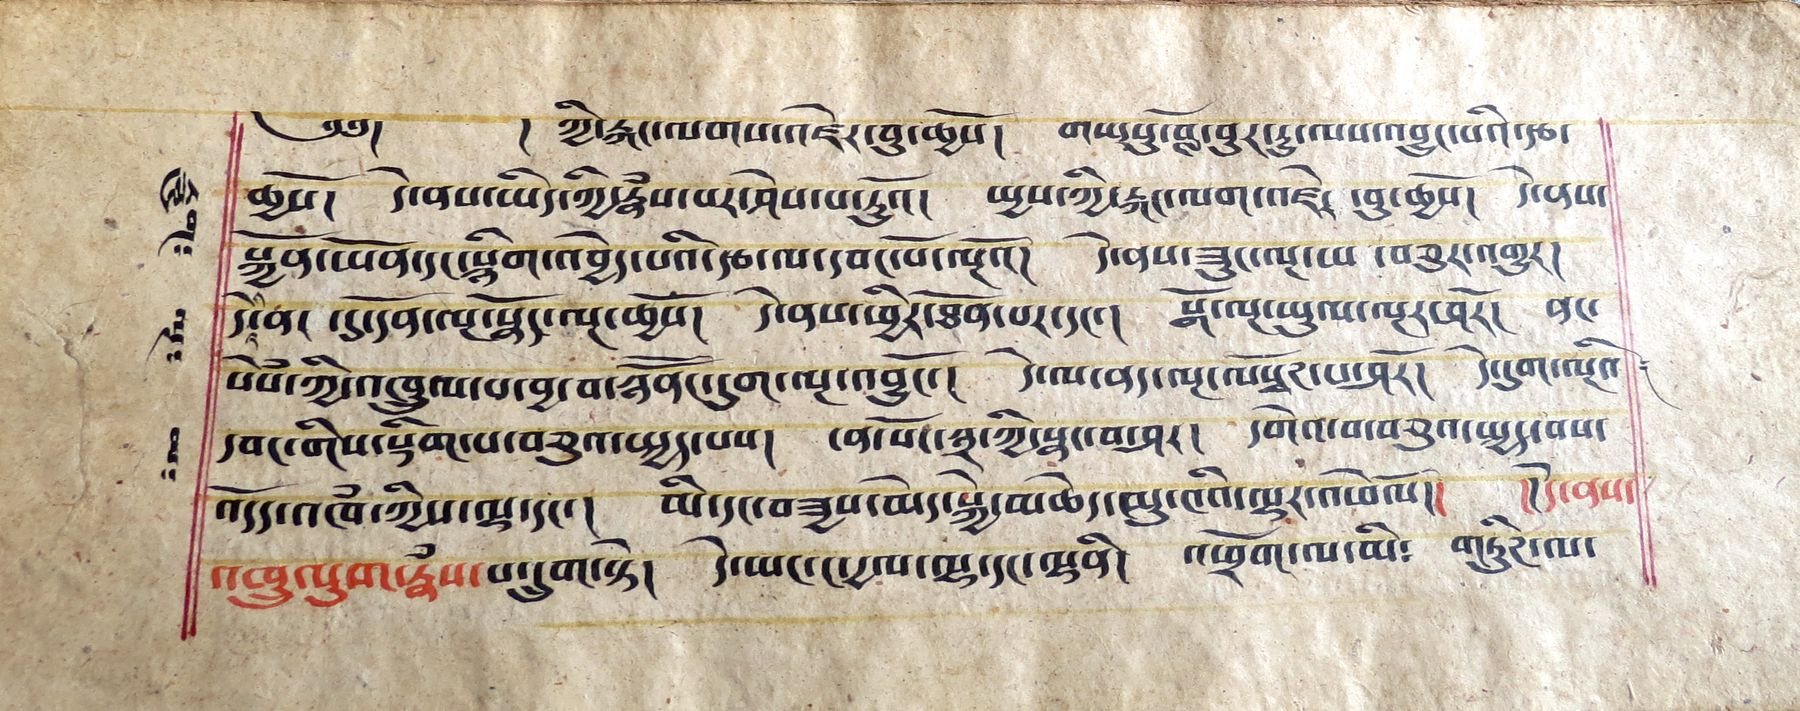གྱི་རྐང་ལག་འཛེར་བུ་ཆགས་སོ། གཡས་སུ་གློ་བུར་རྒྱུ་ལས་འབྱུང་བའི་རྩ་
ཆགས་སོ། ། དེ་ནས་ཡིད་ཀྱི་རྣམ་པར་ཤེས་པ་རྒྱུ་བའོ། ། གཡས་ཀྱི་རྐང་ལག་འཛེར། བུ་ཆགས་སོ། དེ་ནས་
སྐྱོན་ཡོན་དྭངས་སྙིགས་འབྱེད་ཀྱི་རྩ་ལ་དབང་པོ་ལྔའོ། ། དེ་ནས་ཟུང་ལྔ་ཡ། བཅུར་འགྱུར། 
དེ་ནས། ནང་དུ་དོན་ལྔ་སྣོད་ལྔ་ཆགས་སོ། ། དེ་ནས་ཕྱིར་ཐོན་པ་དང་། སྒོ་ལྔ་ཡུལ་ལྔར་ཤར་རོ། ། ནང་
སེམས་ཀྱི་འཁྲུལ་པ་བྱ་བ་ཉོན་མོངས་དུག་ལྔ་འབྱུང་ངོ་། དེ་ལ་ནད་ལྔ་ལས་སོགས་པ་ཤར་རོ། དེ་དུག་ལྔའི་
དབང་གིས་སྡིག་པ་བཅུ་སྤྱད་པས། ངན་སོང་གསུམ་གྱི་སྣང་བ་ཤར། དགེ་བ་བཅུ་སྤྱད་པས། 
འདོད་ཁམས་ཀྱི་ལྷ་དང་མི་དང་། གཟུགས་མེད་སྐྱེ་མཆེད་མུ་བཞིའི་ལྷར་འཕེལ་ལོ། ། དེ་ནས་
འཁྲུལ་ལུགས་རྣམ་པ་དྲུག་སྟེ། དེ་ཡང་ང་རྒྱལ་ལྷ་དང་ལྷ་མིན། ཕྲག་དོག་ལ་མི། གཏི་མུག་ལ་